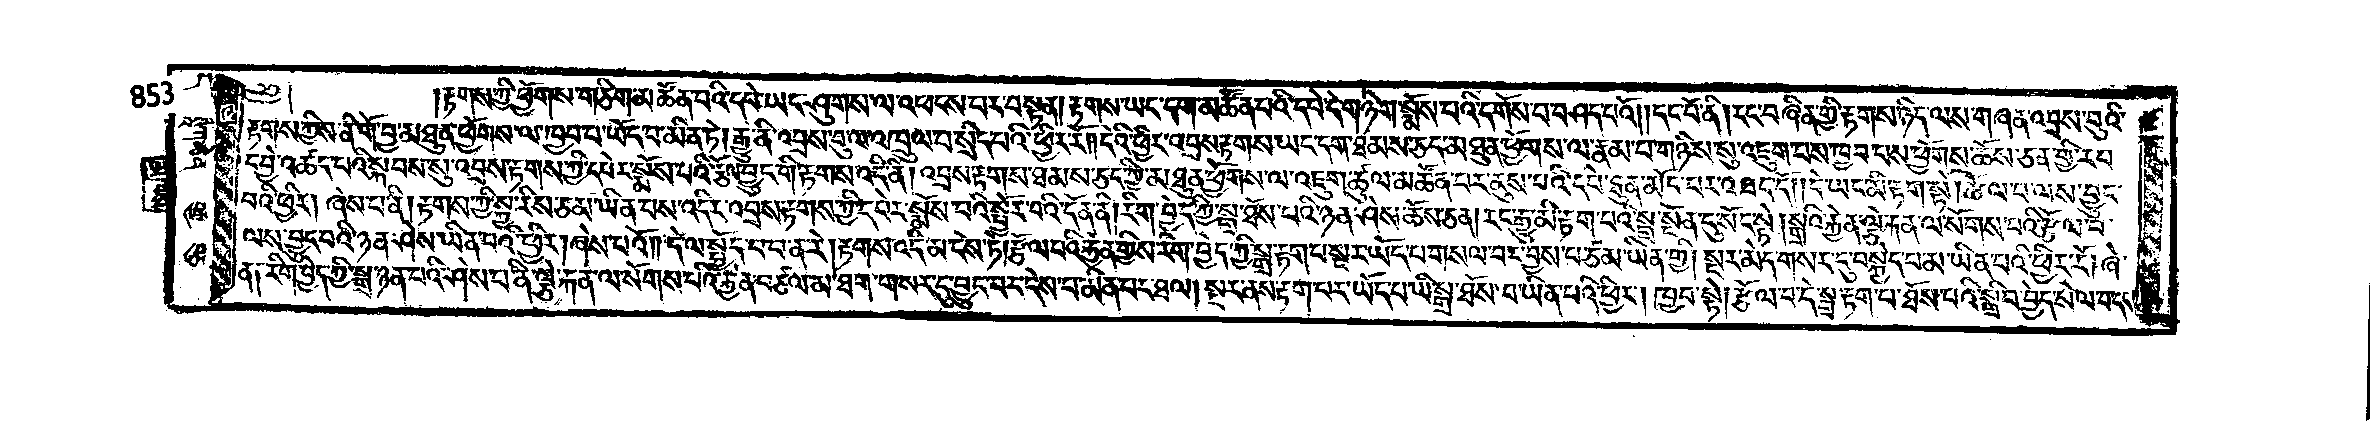༄༅། །རྟགས་ཀྱི་ཕྱོགས་གཅིག་མཚོན་པའི་དཔེ་ཡང་ཤུགས་ལ་འཕངས་པར་བསྟན། རྟགས་ཡང་དག་མཚོན་པའི་དཔེ་དེ་གཉི་ག་སྨོས་པའི་དགོས་པ་བཤད་པའོ། །དང་པོ་ནི། རང་བཞིན་གྱི་རྟགས་ཉིད་ལས་གཞན་འབྲས་བུའི་
རྟགས་ཀྱིས་ནི་གོ་བྱ་མཐུན་ཕྱོགས་ལ་ཁྱབ་པ་ཡོད་པ་མིན་ཏེ། རྒྱུ་ནི་འབྲས་བུ་ལ་འཁྲུལ་བ་སྲིད་པའི་ཕྱིར་རོ། །དེའི་ཕྱིར་འབྲས་རྟགས་ཡང་དག་ཐམས་ཅད་མཐུན་ཕྱོགས་ལ་རྣམ་པ་གཉིས་སུ་འཇུགས་པས་ཁྱབ་པས་ཕྱོགས་ཆོས་ཅན་གྱི་རབ་
དབྱེ་འཚད་པའི་སྐབས་སུ་འབྲས་རྟགས་ཀྱི་དཔེར་སྨོས་པའི་རྩོལ་བྱུང་གི་རྟགས་འདི་ནི། འབྲས་རྟགས་ཐམས་ཅད་ཀྱི་མཐུན་ཕྱོགས་ལ་འཇུལ་ཚུལ་མཚན་པར་ནུས་པའི་དཔེ་ཐུན་མོང་པར་འཐད་དོ། །དེ་ཡང་མི་སྟེ། ཆེལ་བ་ལས་བྱུང་
བའི་ཕྱིར། ཞེས་པ་ནི། རྟགས་ཀྱི་སྐྱ་རིས་ཙམ་ཡིན་པས་འདིར་འབྲས་རྟགས་ཀྱི་དཔེར་སྨོས་པའི་སྦྱོར་བའི་དོན་ནི། རིག་བྱེད་ཀྱི་སྒྲ་ཐོས་པའི་ཉན་ཤེས་ཆོས་ཅན། རང་རྒྱུ་མི་རྟག་པའི་སྒྲ་སྔོན་དུ་སོང་སྟེ། སྒྲའི་རྐྱེན་ལྕེ་རྐན་ལ་སོགས་པའི་རྩོལ་བ་
ལས་བྱུང་བའི་ཉན་ཤེས་ཡིན་པའི་ཕྱིར། ཞེས་པའོ། །དེ་ལ་སྤྱོད་པ་བ་ན་རེ། རྟགས་འདི་མ་ངེས་ཏེ། རྩོལ་བའི་རྐྱེན་གྱིས་རིག་བྱེད་ཀྱི་སྒྲ་རྟག་པ་སྔར་ཡོད་པ་གསལ་བར་བྱས་པ་ཙམ་ཡིན་གྱི། སྔར་མེད་གསར་དུ་བསྐྱེད་པ་མ་ཡིན་པའི་ཕྱིར་རོ། ཞེ་
ན། རིག་བྱེད་ཀྱི་སྒྲ་ཉན་པའི་ཤེས་པ་ནི་ལྕེ་རྐན་ལ་སོགས་པའི་རྐྱེན་བཙལ་མ་ཐག་གསར་དུ་བྱུང་བར་ངེས་པར་མིན་པར་ཐལ། སྔར་ནས་རྟག་པར་ཡོད་པ་ཡི་སྒྲ་ཐོས་པ་ཡིན་པའི་ཕྱིར། ཁྱབ་སྟེ། རྩོལ་བ་དེ་སྒྲ་རྟག་པ་ཐོས་པའི་སྒྲིབ་བྱེད་སེལ་བ་དང་